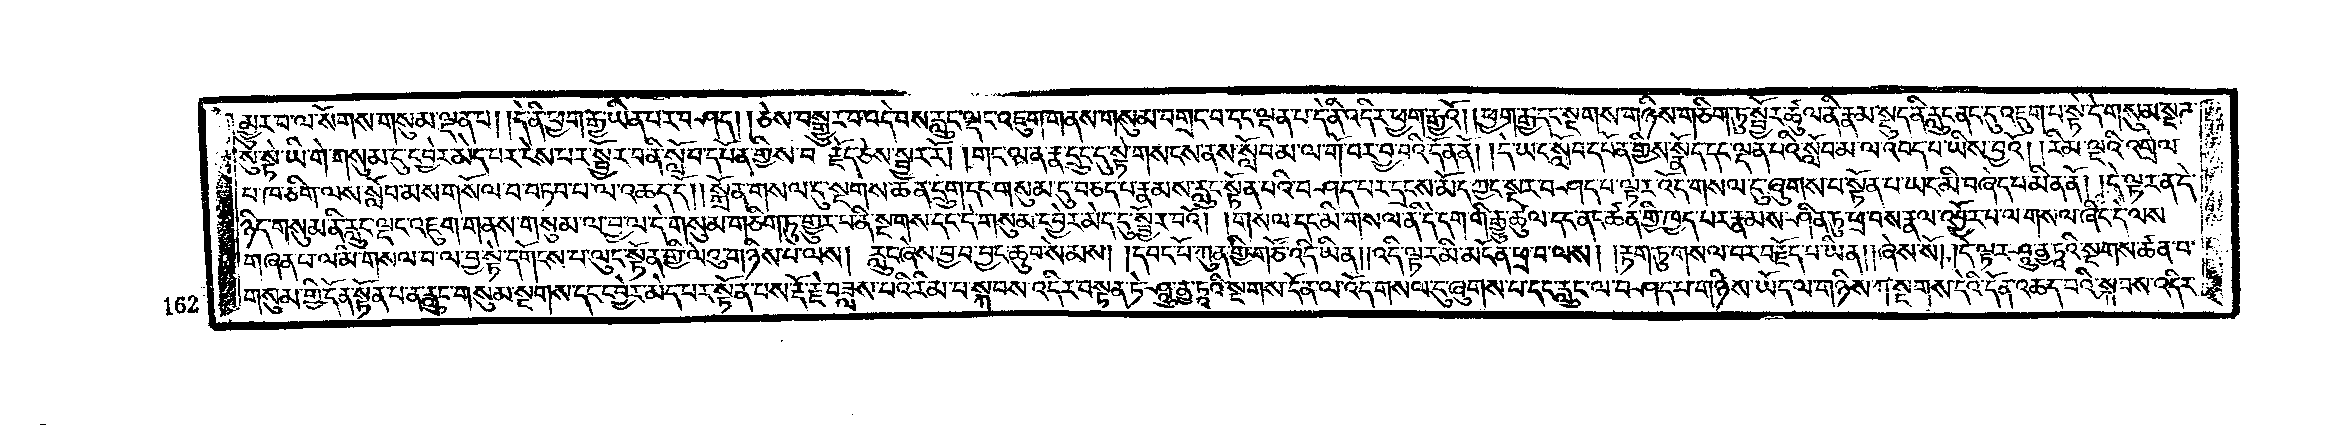མྱུར་བ་ལ་སོགས་གསུམ་ལྡན་པ། །དེ་ནི་ཕྱག་རྒྱ་ཡིན་པར་བཤད། །ཅེས་བསྒྱུར་བ་བདེ་བས་རླུང་ལྡང་འཇུག་གནས་གསུམ་བགྲང་བ་དང་ལྡན་པ་དེ་ནི་འདིར་ཕྱག་རྒྱའོ། །ཕྱག་རྒྱ་དང་སྔགས་གཉིས་གཅིག་ཏུ་སྦྱོར་ཚུལ་ནི་རྣམ་སྡུད་ནི་རླུང་ནང་དུ་འཇུག་པ་སྟེ་དེ་གསུམ་སྔགས་
སུ་སྟེ་ཡི་གེ་གསུམ་དུ་དབྱེར་མེད་པར་ངེས་པར་སྦྱོར་བ་ནི་སློབ་དཔོན་གྱིས་བརྗོད་ཅེས་སྦྱར་རེ། །གང་ལ་ན་རྣ་དྲུང་དུ་སྟེ་གསངས་ནས་སློབ་མ་ལ་གོ་བར་བྱ་བའི་དོན་ནོ། །དེ་ཡང་སློབ་དཔོན་གྱིས་སྣོད་དང་ལྡན་པའི་སློབ་མ་ལ་འབད་པ་ཡིས་བྱའོ། །རིམ་ལྔའི་འགྲེལ་
པ་ཁ་ཅིག་ལས་སློབ་མས་གསོལ་བ་བཏབ་པ་ལ་འཆད་དོ། །སྒྲོན་གསལ་དུ་སྔགས་ཚན་དྲུག་དང་གསུམ་དུ་བཅད་པ་རྣམས་རླུང་སྟོན་པའི་བཤད་པར་དྲངས་མོད་ཀྱང་སྔར་བཤད་པ་ལྟར་འོད་གསལ་དུ་ཞུགས་པ་སྟོན་པ་ཡང་མི་བཞེད་པ་མིན་ནོ། །དེ་ལྟར་ན་དེ་
ཉིད་གསུམ་ནི་རླུང་ལྡང་འཇུག་གནས་གསུམ་ལ་བྱ་ལ་དེ་གསུམ་གཅིག་ཏུ་གྱུར་པ་ནི་སྔགས་དང་དེ་གསུམ་དབྱེར་མེད་དུ་སྦྱོར་བའོ། །གསལ་དང་མི་གསལ་ནི་དེ་དག་གི་རྒྱུ་ཚུལ་དང་ནང་ཚན་གྱི་ཁྱད་པར་རྣམས་ཤིན་ཏུ་ཕྲ་བས་རྣལ་འབྱོར་པ་ལ་གསལ་ཞིང་དེ་ལས་
གཞན་པ་ལ་མི་གསལ་བ་ལ་བྱ་སྟེ་དགོངས་པ་ལུང་སྟོན་གྱི་ལེའུ་གཉིས་པ་ལ། རླུང་ཞེས་བྱ་བ་བྱང་ཆུབ་སེམས། །དབང་པོ་ཀུན་གྱི་གཙོ་འདི་ཡིན། །འདིར་ལྟར་མི་མངོན་ཕྲ་བ་ལས། །རྟག་ཏུ་གསལ་བར་བརྗོད་པ་ཡིན། །ཞེས་སོ། །དེ་ལྟར་ཤཱུ་ཉ་ཏཱི་སྔགས་ཚན་པ་
གསུམ་གྱི་དོན་སྟོན་པ་ན་རླུང་གསུམ་སྔགས་དང་དབྱེར་མེད་པར་སྟོན་པས་རྡོ་རྗེ་བཟླས་པའི་རིམ་པ་སྐབས་འདིར་བསྟན་ཏེ་ཤཱུ་ཉ་ཏཱི་སྔགས་དོན་ལ་འོད་གསལ་དུ་ཞུགས་པ་དང་རླུང་ལ་བཤད་པ་གཉིས་ཡོད་ལ་གཉིས་ཀ་སྔགས་དེའི་དོན་འཆད་པའི་སྐབས་འདིར་